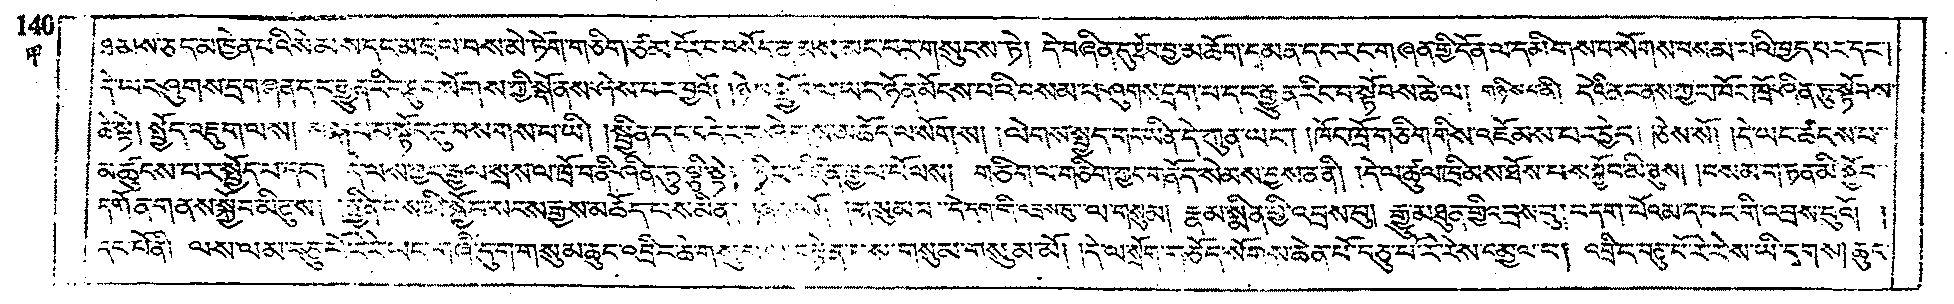ཐམས་ཅད་མཁྱེན་པའི་སེམས་དང་མ་བྲལ་བས་མེ་ཏོག་གཅིག་ཙམ་དོར་བ་བསོད་ནམས་མང་བར་གསུངས་ཏེ། དེ་བཞིན་དུ་ཐོབ་བྱ་མཆོག་དམན་དང་རང་གཞན་གྱི་དོན་ལ་དམིགས་པ་སོགས་བསམ་པའི་ཁྱད་པར་དང་།
དེ་ཡང་ཤུགས་དྲག་ཞན་དང་རྒྱུན་རིང་ཐུང་སོགས་ཀྱི་སྒོ་ནས་ཤེས་པར་བྱའོ། །ཉེས་སྤྱོད་ལ་ཡང་ཉོན་མོངས་པའི་བསམ་པ་ཤུགས་དྲག་པ་དང་རྒྱུན་རིང་བ་སྟོབས་ཆེ་ལ། གཉིས་པ་ནི།  དེའི་ནང་ནས་ཀྱང་ཁོང་ཁྲོ་ཤིན་ཏུ་སྟོབས་
ཆེ་སྟེ། སྤྱོད་འཇུག་ལས། བསྐལ་པ་སྟོང་དུ་བསགས་པ་ཡི། །སྦྱིན་དང་བདེར་གཤེགས་མཆོད་ལ་སོགས། །ལེགས་སྤྱད་གང་ཡིན་དེ་ཀུན་ཡང་། །ཁོང་ཁྲོ་གཅིག་གིས་འཇོམས་པར་བྱེད། །ཅེས་སོ། །དེ་ཡང་ཚངས་པ་
མཚུངས་པར་སྤྱོད་པ་དང་། དེ་ལས་ཀྱང་རྒྱལ་སྲས་ལ་ཁྲོ་བ་ནི་ཤིན་ཏུ་ལྕི་སྟེ། ཏིང་འཛིན་རྒྱལ་པོ་ལས། གཅིག་ལ་གཅིག་ཀྱང་གནོད་སེམས་བྱས་ན་ནི། །དེ་ལ་ཚུལ་ཁྲིམས་ཐོས་པས་སྐྱོབ་མི་ནུས། །བསམ་གཏན་མི་སྐྱོབ་
དགོན་གནས་སྐྱོབ་མི་ནུས། །སྦྱིན་པས་མི་སྐྱོབ་སངས་རྒྱས་མཆོད་པས་མིན། །ཞེས་སོ། །གསུམ་པདེ་དག་གི་འབྲས་བུལ་གསུམ། རྣམ་སྨིན་གྱི་འབྲས་བུལ། རྒྱུ་མཐུན་གྱི་འབྲས་བུ། བདག་པོའམ་དབང་གི་འབྲས་བུའོ། །
དང་པོ་ནི། ལས་ལམ་བཅུ་པོ་རེ་རེ་ཡང་གཞི་དུག་གསུམ་ཆུང་འབྲིང་ཆེ་གསུམ་ལ་བརྟེན་པས་གསུམ་གསུམ་མོ། །དེ་ལ་སྲོག་གཅོད་སོགས་ཆེན་པོ་བཅུ་པོ་རེ་རེས་དམྱལ་བ། འབྲིང་བཅུ་པོ་རེ་རེས་ཡི་དྭགས། ཆུང་